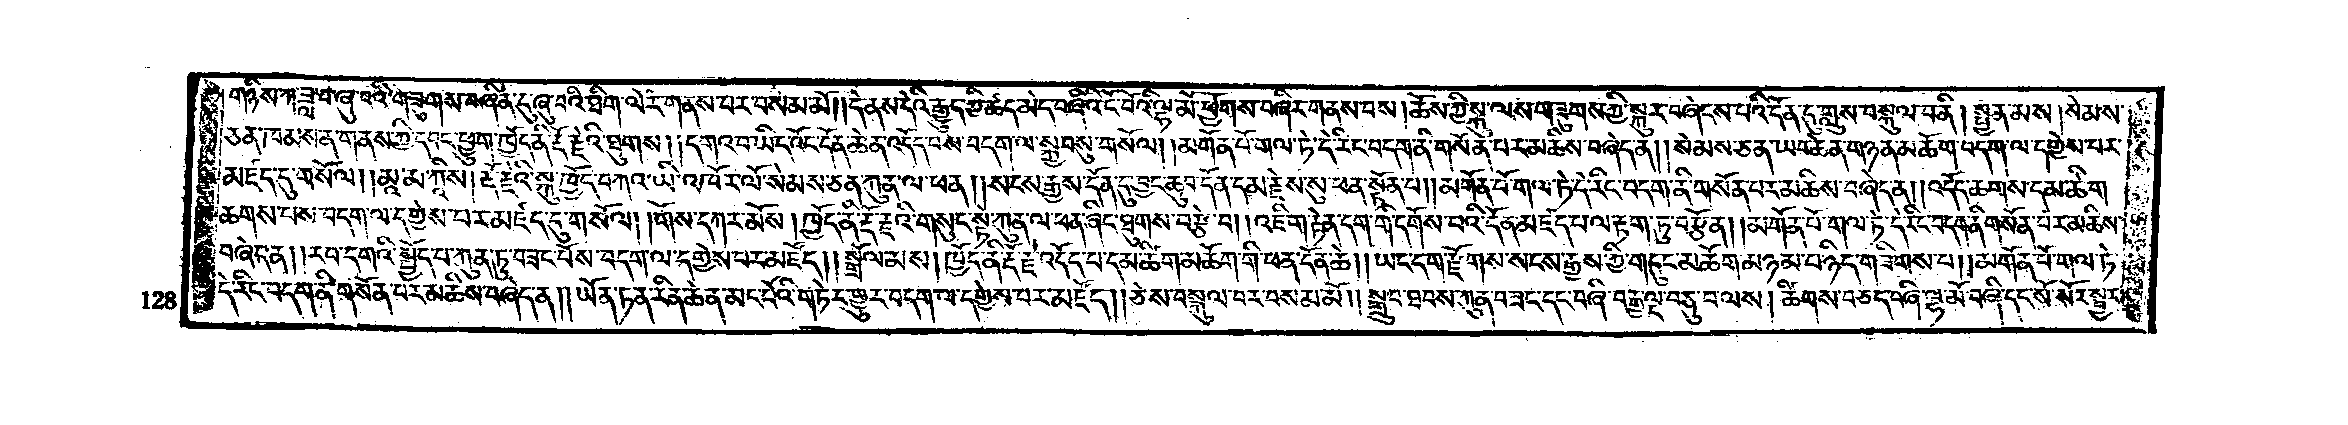གཉིས་ཀ་ཟླ་བ་ཞུ་བའི་གཟུགས་བཞིན་དུ་ཞུ་བའི་ཐིག་ལེར་གནས་པར་བསམ་མོ། །དེ་ནས་དེའི་རྒྱུད་ཀྱི་ཚད་མེད་བཞིའི་ངོ་བོའི་ལྷ་མོ་ཕྱོགས་བཞིར་གནས་པས། ཆོས་ཀྱི་སྐུ་ལས་གཟུགས་ཀྱི་སྐུར་བཞེངས་པའི་དོན་དུ་གླུས་བསྐུལ་བ་ནི། སྤྱན་མས། སེམས་
ཅན་ཁམས་ན་གནས་ཀྱི་དབང་ཕྱུག་ཁྱོད་ནི་རྡོ་རྗེའི་ཐུགས། །དགའ་བ་ཡིད་འོང་དོན་ཆེན་འདོད་པས་བདག་ལ་སྐྱབས་སུ་གསོལ། །མགོན་པོ་གལ་ཏེ་དེ་རིང་བདག་ནི་གསོན་པར་མཆིས་བཞེད་ན། །སེམས་ཅན་ཡབ་ཆེན་གཉན་མཆོག་བདག་ལ་དགྱེས་པར་
མཛད་དུ་གསོལ། །མཱ་མ་ཀཱིས། རྡོ་རྗེའི་སྐུ་ཁྱོད་བཀའ་ཡི་འཁོར་ལོ་སེམས་ཅན་ཀུན་ལ་ཕན། །སངས་རྒྱས་དོན་དུ་བྱང་ཆུབ་དོན་དམ་རྗེས་སུ་ཕན་སྟོན་པ། །མགོན་པོ་གལ་ཏེ་དེ་རིང་བདག་ནི་གསོན་པར་མཆིས་བཞེད་ན། །འདོད་ཆགས་དམ་ཚིག་
ཆགས་པས་བདག་ལ་དགྱེས་པར་མཛད་དུ་གསོལ། །གོས་དཀར་མོས། ཁྱོད་ནི་རྡོ་རྗེའི་གསུང་སྟེ་ཀུན་ལ་ཕན་ཞིང་ཐུགས་བརྩེ་བ། །འཇིག་རྟེན་དག་གི་དགོས་པའི་དོན་མཛད་པ་ལ་རྟག་ཏུ་བརྩོན། །མགོན་པོ་གལ་ཏེ་དེ་རིང་བདག་ནི་གསོན་པར་མཆིས་
བཞེད་ན། །རབ་དགའི་སྤྱོད་པ་ཀུན་ཏུ་བཟང་པས་བདག་ལ་དགྱེས་པར་མཛོད། །སྒྲོལ་མས། ཁྱོད་ནི་རྡོ་རྗེ་འདོད་པ་དམ་ཚིག་མཆོག་གི་ཕན་དོན་ཆེ། །ཡང་དག་རྫོགས་སངས་རྒྱས་ཀྱི་གདུང་མཆོག་མཉམ་པ་ཉིད་གཟིགས་པ། །མགོན་པོ་གལ་ཏེ་
དེ་རིང་བདག་ནི་གསོན་པར་མཆིས་བཞེད་ན། །ཡོན་ཏན་རིན་ཆེན་མང་པོའི་གཏེར་གྱུར་བདག་ལ་དགྱེས་པར་མཛོད། །ཅེས་བསྐུལ་བར་བསམ་མོ། །སྒྲུབ་ཐབས་ཀུན་བཟང་དང་བཞི་བརྒྱ་ལྔ་བཅུ་པ་ལས། ཚིགས་བཅད་བཞི་ལྷ་མོ་བཞི་དང་སོ་སོར་སྦྱར་